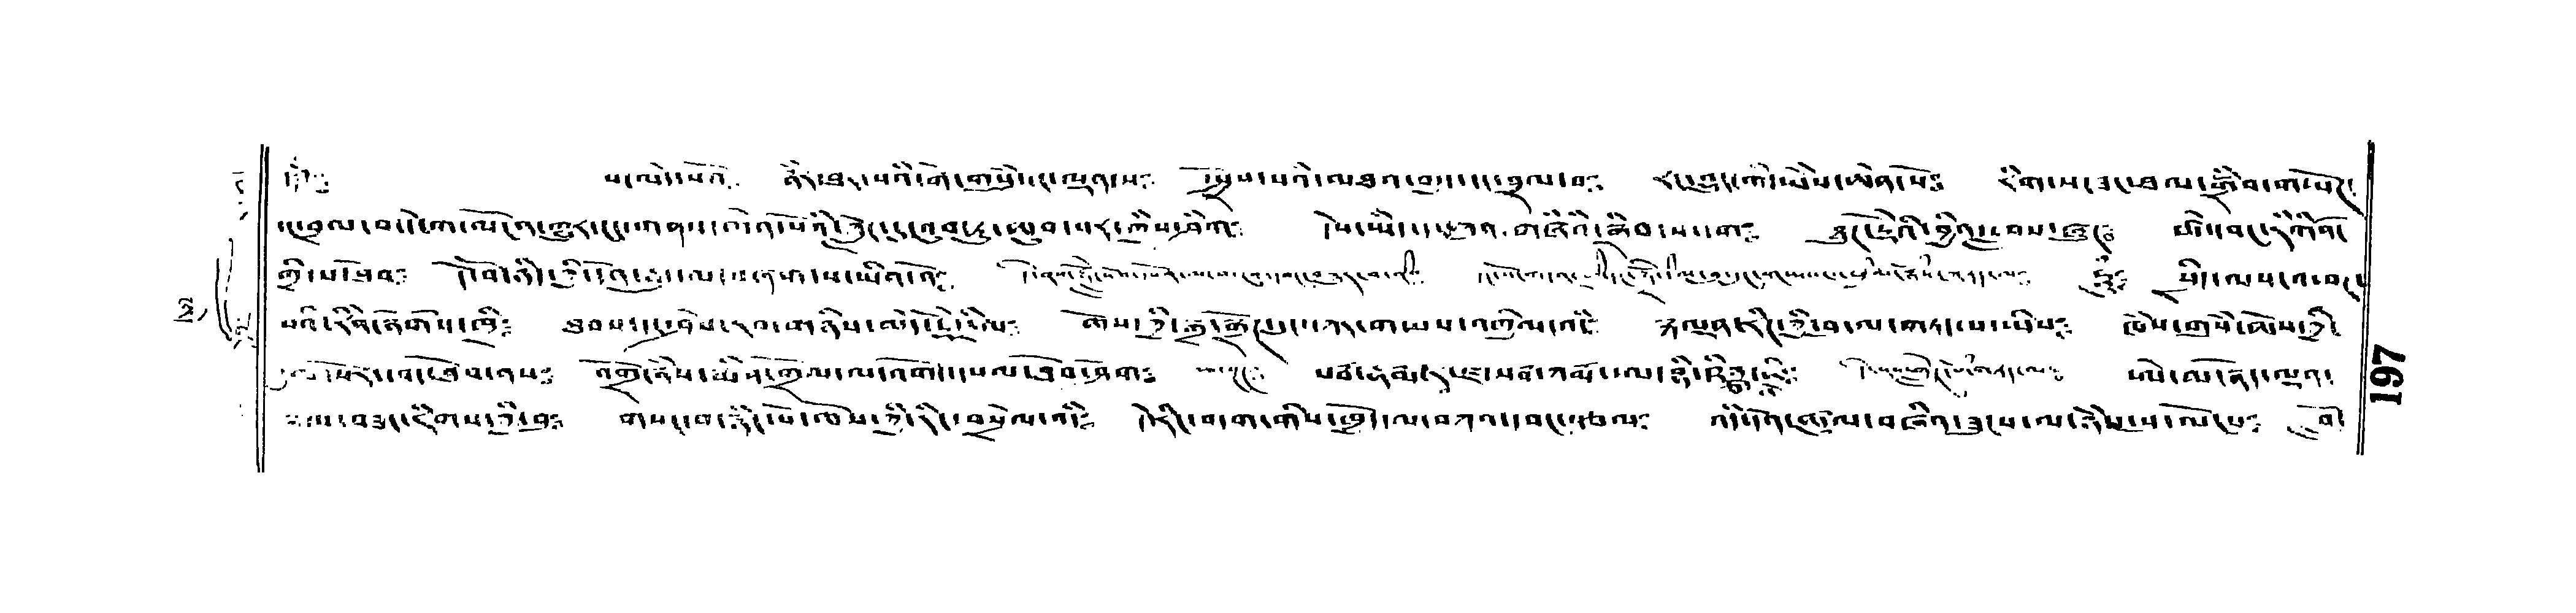པ་མེད་པའོ༔ རྣམ་པར་ཐར་པའི་སྒོ་གསུམ་དང་ལྡན་པ༔ སྤྲོས་པའི་མཐའ་བརྒྱད་དང་བྲལ་བ༔ རང་བྱུང་གི་ཡེ་ཤེས་ཆེན་པོ༔ རིག་པ་ཟང་ཐལ་སྒྲིབ་གཡོགས་
དང་བྲལ་བ་དེ་ག་མངོན་གྱུར་ངང་གནས་ཆེན་པོའི་ཀློང་དུ་འུབ་ཏུ་ཆུབ་པར་གྱིས་ཤིག༔ དེས་ཡིད་དང་ཀུན་གཞིའི་སྒྲིབ་པ་དག༔ ཐུགས་རྡོ་རྗེའི་བྱིན་རླབས་ཞུགས༔ ཚེ་དབང་རིག་འཛིན་
གྱི་ས་ཐོབ༔ ངོ་བོ་ཉིད་ཀྱི་དོན་རྒྱུད་ལ་བཞག་པ་ཡིན་ནོ༔ དེ་ནས་རྡོ་རྗེ་སློབ་དཔོན་ལ་མངའ་དབང་བསྐུར་བ་ནི༔ དང་པོ་གདན་ཁྲི་དང་རྡོ་རྗེ་དྲིལ་བུ་དུང་་གཡས་པའ་ཁྱིལ་རྣམས་གཏད་ལ༔ ཧཱུྃ༔ སྲིད་ལས་འཕགས་
པའི་རིན་ཆེན་སྣ་ཚོགས་ཁྲི༔ ཐབས་དང་ཤེས་རབ་གཉིས་མེད་རྡོ་རྗེ་དྲིལ༔ ཆོས་ཀྱི་སྒྲ་སྒྲོག་དུང་དཀར་གཡས་འཁྱིལ་འདི༔ སྐལ་ལྡན་རིགས་ཀྱི་བུ་ལ་གཏད་པ་ཡིས༔ ཁམས་གསུམ་ཆོས་ཀྱི་
རྒྱལ་པོར་དབང་ཐོབ་ནས༔ འགྲོ་རྣམས་སྨིན་གྲོལ་ལ་འགོད་དཔལ་ཐོབ་ཤོག༔ རྩ་སྔགས༔ སརྦ་དྷརྨ་རཱ་ཛ་སརྦ་ཀརྨ་ཨ་བྷི་རིཉྩ་ཧྲཱི༔ དེ་ནས་གླེགས་བམ་གཏད་ལ༔ ཨེ་མ་སྣོད་ལྡན་
སྐལ་བཟང་རིགས་ཀྱི་བུ༔ གསང་བ་སྙིང་པོ་ཆོས་ཀྱི་རིང་བསྲེལ་འདི༔ དེ་རིང་བདག་གིས་ཁྱོད་ལ་བཀའ་དབང་བསྩལ༔ འདི་དོན་ཚུལ་བཞིན་ཟུངས་ལ་ཉམས་སུ་ལོངས༔ བློ་